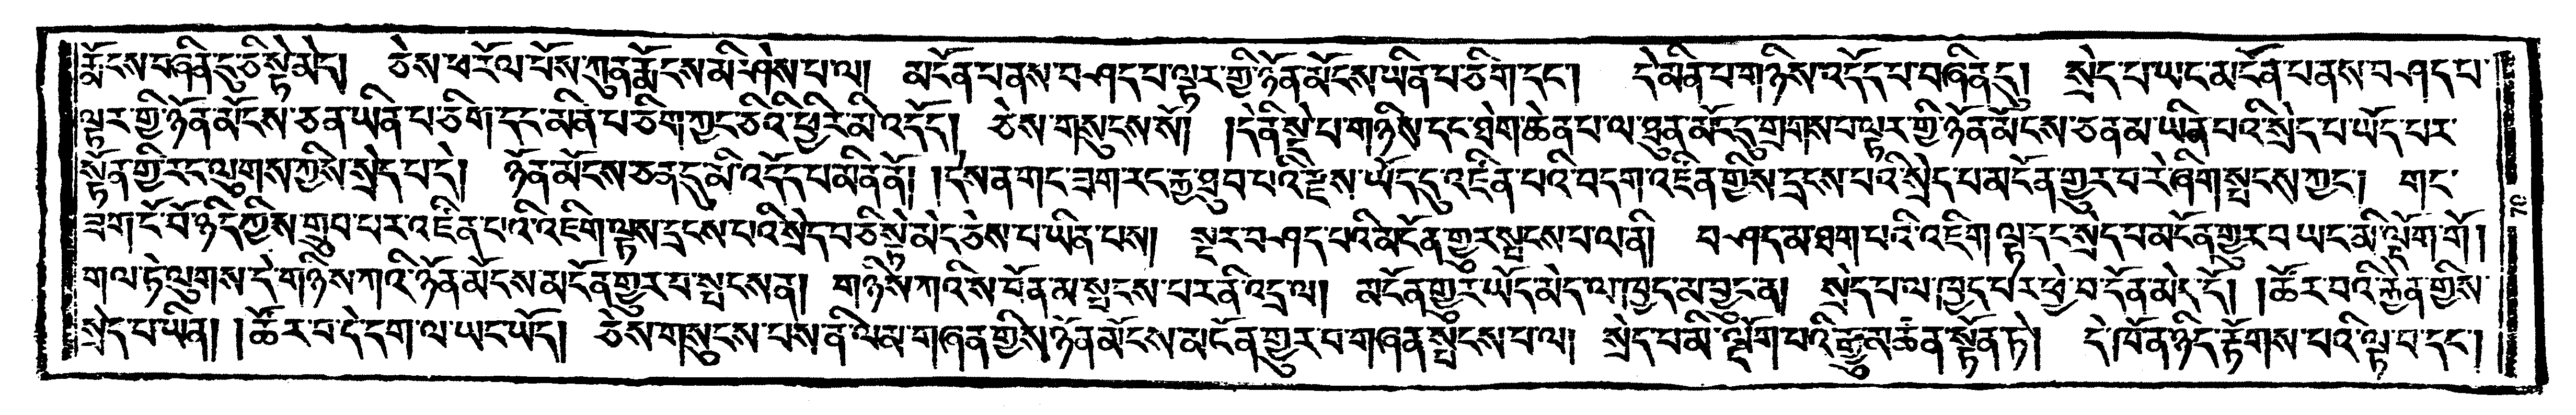རྨོངས་བཞིན་དུ་ཅི་སྟེ་མེད། ཅེས་ཕ་རོལ་པོས་ཀུན་རྨོངས་མི་ཤེས་པ་ལ། མངོན་པ་ནས་བཤད་པ་ལྟར་གྱི་ཉོན་མོངས་ཡིན་པ་ཅིག་དང་། དེ་མིན་པ་གཉིས་འདོད་པ་བཞིན་དུ། སྲེད་པ་ཡང་མངོན་པ་ནས་བཤད་པ་
ལྟར་གྱི་ཉོན་མོངས་ཅན་ཡིན་པ་ཅིག་དང་མིན་པ་ཅིག་ཀྱང་ཅིའི་ཕྱིར་མི་འདོད། ཅེས་གསུངས་སོ། །དེ་ནི་སྡེ་པ་གཉིས་དང་ཐེག་ཆེན་པ་ལ་ཐུན་མོང་དུ་གྲགས་པ་ལྟར་གྱི་ཉོན་མོངས་ཅན་མ་ཡིན་པའི་སྲེད་པ་ཡོད་པར་
སྟོན་གྱི་རང་ལུགས་ཀྱིས་སྲེད་པ་དེ། ཉོན་མོངས་ཅན་དུ་མི་འདོད་པ་མིན་ནོ། །དེས་ན་གང་ཟག་རང་རྐྱ་ཐུབ་པའི་རྫས་ཡོད་དུ་འཛིན་པའི་བདག་འཛིན་གྱིས་དྲངས་པའི་སྲེད་པ་མངོན་གྱུར་བ་རེ་ཞིག་སྤངས་ཀྱང་། གང་
ཟག་ངོ་བོ་ཉིད་ཀྱིས་གྲུབ་པར་འཛིན་པའི་འཇིག་ལྟས་དྲངས་པའི་སྲེད་པ་ཅི་སྟེ་མེད་ཅེས་པ་ཡིན་པས། སྔར་བཤད་པའི་མངོན་གྱུར་སྤངས་པ་ལ་ནི། བཤད་མ་ཐག་པའི་འཇིག་ལྟ་དང་སྲེད་པ་མངོན་གྱུར་བ་ཡང་མི་ལྡོག་གོ།
གལ་ཏེ་ལུགས་དེ་གཉིས་ཀའི་ཉོན་མོངས་མངོན་གྱུར་བ་སྤངས་ན། གཉིས་ཀའི་ས་བོན་མ་སྤངས་པར་ནི་འདྲ་ལ། མངོན་གྱུར་ཡོད་མེད་ལ་ཁྱད་མ་བྱུང་ན། སྲེད་པ་ལ་ཁྱད་པར་ཕྱེ་བ་དོན་མེད་དོ། །ཚོར་བའི་རྐྱེན་གྱིས་
སྲེད་པ་ཡིན། །ཚོར་བ་དེ་དག་ལ་ཡང་ཡོད། ཅེས་གསུངས་པས་ནི་ལམ་གཞན་གྱིས་ཉོན་མོངས་མངོན་གྱུར་བ་གཞན་སྤངས་པ་ལ། སྲེད་པ་མི་ལྡོག་པའི་རྒྱུ་མཚན་སྟོན་ཏེ། དེ་ཁོ་ན་ཉིད་རྟོགས་པའི་ལྟ་བ་དང་།